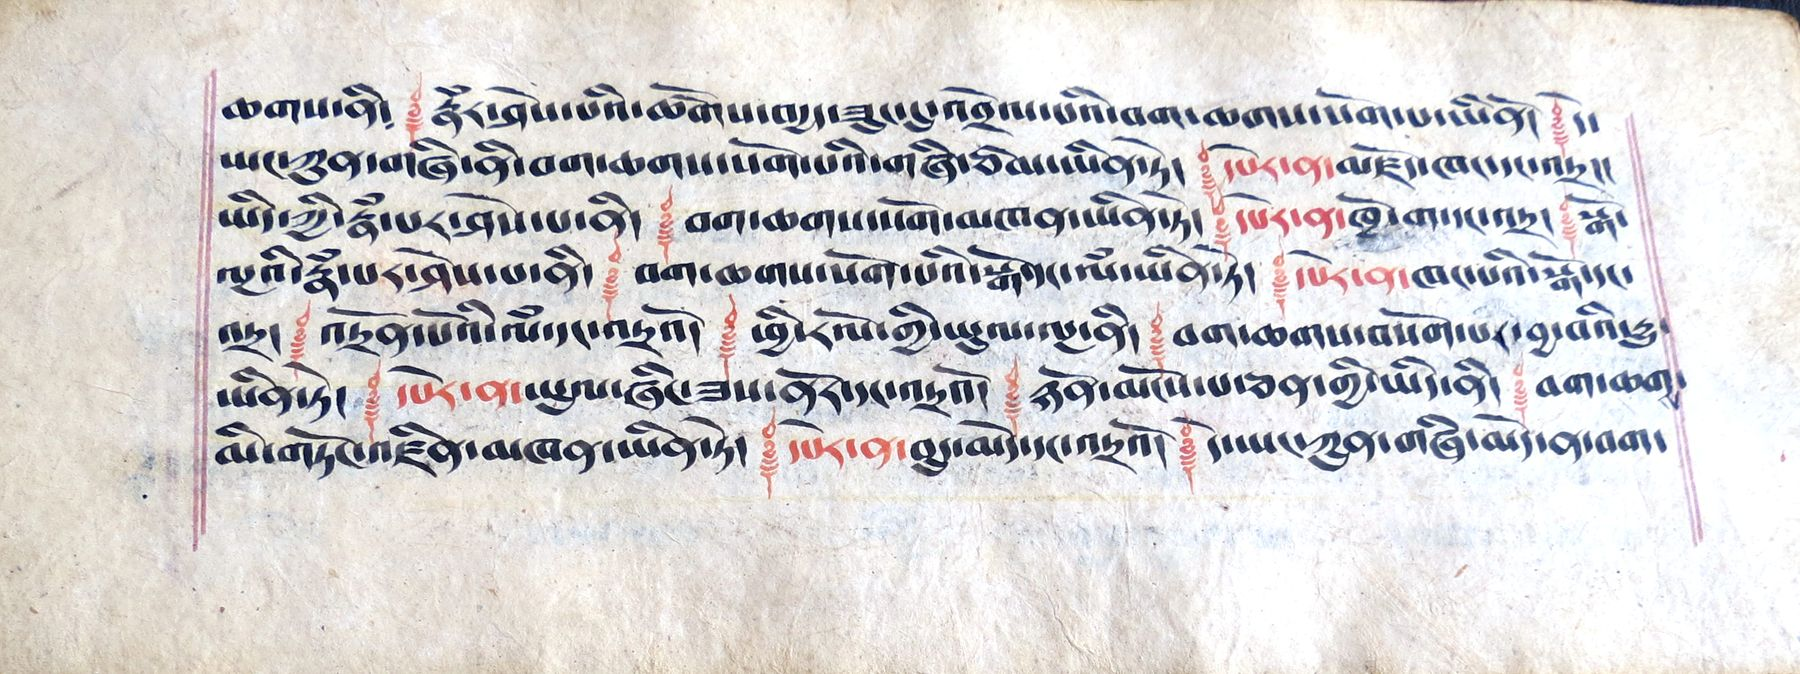ཆགས་ནི་རྣམ་པར་ཤེས་པ་ཚོགས་བརྒྱད་ཟུང་དུ་འབྲེལ་བའི་བག་ལ་སོག་པ་ཡིན་ནོ། ། དེ་
ཡང་ཀུན་གཞི་ནི་བག་ཆགས་སོག་པའི་གཞི་ཙམ་ཡིན་ཏེ། དཔེར་ན་མཛོད་ཁང་དང་འདྲ། 
ཡིད་ཀྱི་རྣམ་པར་ཤེས་པ་ནི། བག་ཆགས་སོག་མཁན་ཡིན་ཏེ། དཔེར་ན་ཁྱོ་ག་དང་འདྲ། སྒོ་དང་
ལྔའི་རྣམ་པར་ཤེས་པ་ནི། བག་ཆགས་སོག་པའི་སྒོ་དང་ལམ་ཡིན་ཏེ་དཔེར་ན་ཁང་པའི་སྒོ་འམ་
འདྲ། མགྲོན་པོའི་ལམ་དང་འདྲའོ། ། ཕྱི་རོལ་གྱི་ཡུལ་ལྔ་ནི། བག་ཆགས་སོག་པར་བྱ་བའི་རྒྱུ་
ཡིན་ཏེ། དཔེ་ཡུལ་ཞིང་ཟས་ནོར་དང་འདྲའོ། ། ཉོན་མོངས་པ་ཅན་གྱི་ཡིད་ནི། བག་ཆགས་
མི་གཏོང་འཛིན་མཁན་ཡིན་ཏེ། དཔེར་ན་བུད་མེད་དང་འདྲ། དེ་ཡང་ཀུན་གཞི་མེད་ན་བག་